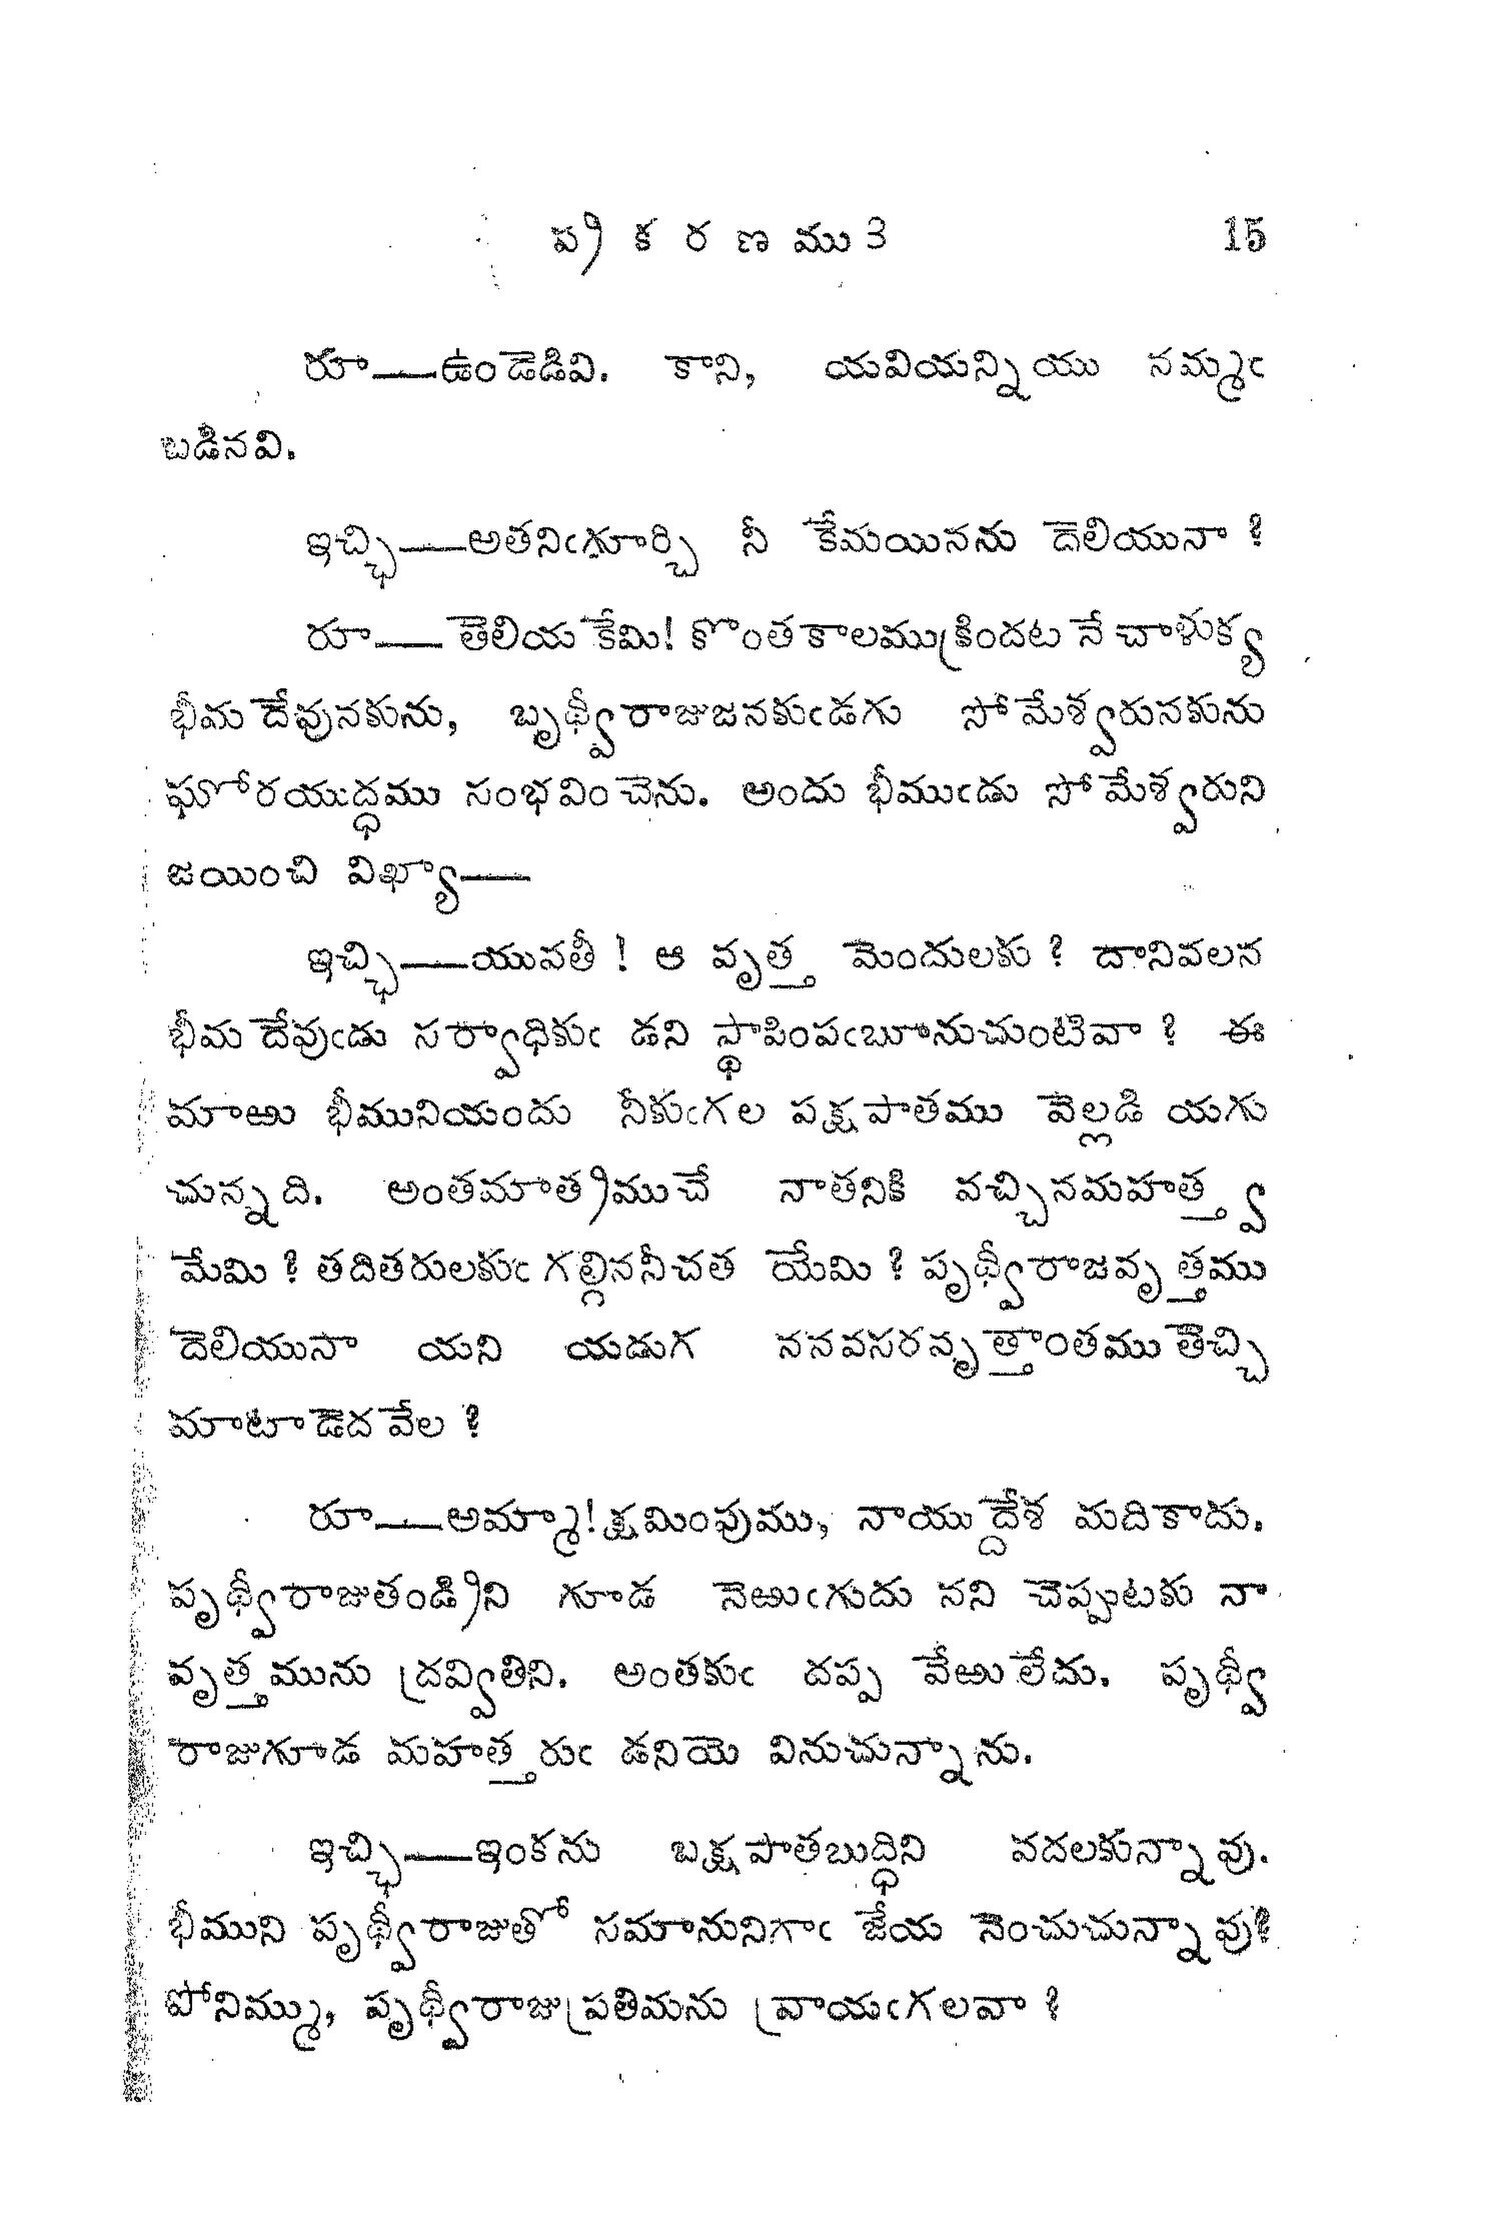రూ. ఉండెడివి. కాని యవియన్నియు నమ్మం బడినవి.

ఇచ్ఛి——అతనిఁ గూర్చి నీ కేమయినను దెలియునా ?

రూ. తెలియ కేమి! కొంతకాలము క్రిందటనే చాళుక్య భీమ దేవునకును, బృథ్వీరాజుజనకుఁడగు సోమేశ్వరుసకును ఘోరయుద్ధము సంభవించెను. అందు భీముఁడు సోమేశ్వరుని జయించి విఖ్యా ----------------

ఇచ్చి- యునతీ ! ఆ వృత్త మెందులకు ? దానివలన భీమ దేవుఁడు సర్వాధికుఁ డని స్థాపింపఁ బూనుచుంటివా ! ఈ మాజు భీమునియందు నీకుఁగల పక్షపాతము వెల్లడి యగు చున్నది. అంతమాత్రముచే నాతనికి వచ్చి నమహత్త్వ మేమి ? తదితరులకుఁ గల్గిన నీచత యేమి ? పృథ్వీ రాజవృత్తము ననవసర వృత్తాంతము తెచ్చి మాటాడెదవేల?

రూ: అమ్మా! క్షమింపుము, నాయు ద్దేశ మది కాదు. పృథ్వీరాజుతండ్రి ని గూడ నెఱుఁగుదు నని చెప్పుటకు నా వృత్తమును ద్రవ్వితిని. అంతకుఁ దప్ప వేఱులేదు, పృథ్వీ రాజుగూడ మహత్తరుఁ డనియె వినుచున్నాను.

ఇచ్చి: ఇంకను బక్షపాతబుద్ధిని వదలకున్నావు. భీముని పృథ్వీరాజుతో సమానునిగాఁ జేయ సెంచుచున్నావు? పోనిమ్ము, పృథ్వీరాజు ప్రతిమను వ్రాయఁగలనా ?